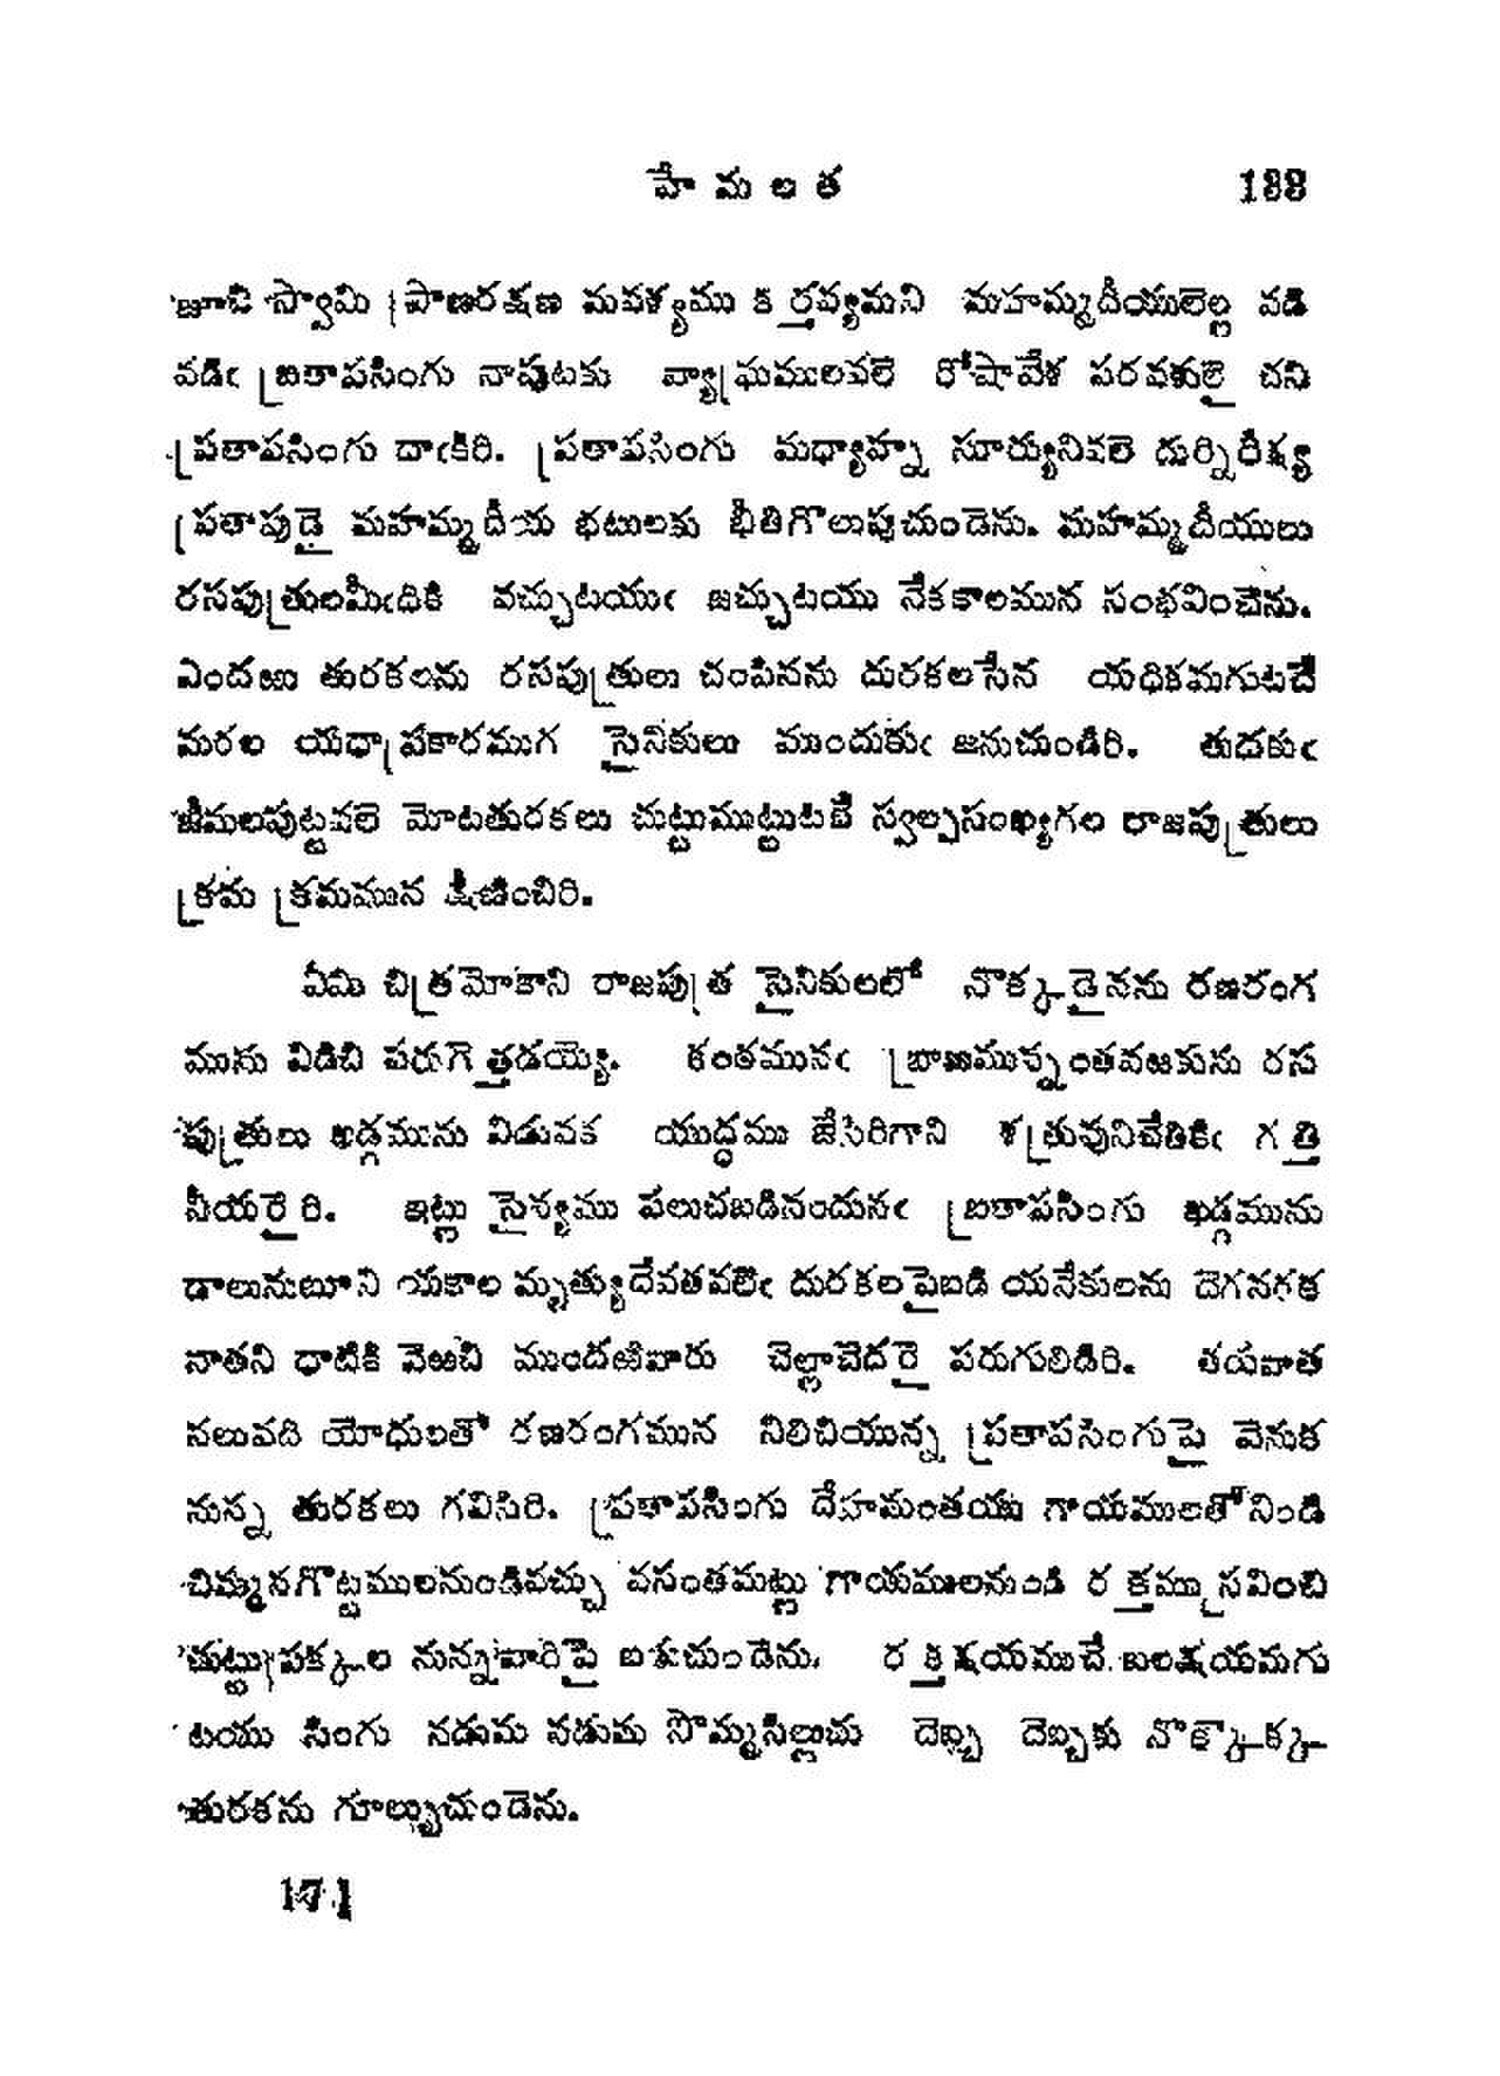జూచి స్వామి ప్రాణరక్షణ మవశ్యము కర్తవ్యమని మహమ్మదీయులెల్ల వడి వడిఁ బ్రతాపసింగు నాపుటకు వ్యాఘ్రములవలె రోషావేశ పరవశులై చని ప్రతాపసింగు దాఁకిరి. ప్రతాపసింగు మధ్యాహ్న సూర్యునివలె దుర్నిరీక్ష్య ప్రతాపుడై మహమ్మదీయ భటులకు భీతిగొలుపుచుండెను. మహమ్మదీయులు రసపుత్రులమీదికి వచ్చుటయుఁ జచ్చుటయు నేకకాలమున సంభవించెను. ఎందఱు తురకలను రసపుత్రులు చంపినను దురకలసేన యధికమగుటచే మరల యధా ప్రకారముగ సైనికులు ముందుకుఁ జనుచుండిరి. తుదకు జీమలపుట్టవలె మోటతురకలు చుట్టుముట్టుటచే స్వల్పసంఖ్యగల రాజపుతులు క్రమ క్రమమున క్షీణించిరి.

ఏమి చిత్రమోకాని రాజపుత్ర సైనికులలో నొక్కడైనను రణరంగమును విడిచి పరుగెత్తడయ్యె. కంఠమునఁ బ్రాణమున్నంతవఱకును రసపుత్రులు ఖడ్గమును విడువక యుద్దము జేసిరిగాని శత్రువుని చేతికిఁ గత్తి
నీయరైరి. ఇట్లు సైన్యము పలుచబడినందునఁ బ్రకాతసింగు ఖడ్గమును డాలునుబూని యకాల మృత్యుదేవతవలెఁ దురకల పైబడి యనేకులను దెగనరక నాతని ధాటికి వెఱచి ముందటివారు చెల్లాచెదరై పరుగులిడిరి. తపవాత నలువది యోధులతో రణరంగమున నిలిచియున్న ప్రతాపసింగుపై వెనుక నున్న తురకలు గవిసిరి. ప్రజాపసింగు దేహమంతయు గాయములతో నిండి చిమ్మన గొట్టములనుండి వచ్చు వసంతమట్లు గాయములనుండి రక్తము స్రవించి చుట్టు పక్కల నున్నవారిపై బడుచుండెను. రక్త క్షయముచే, బలక్షయమగుటయు సింగు నడుమ నడుము సొమ్మసిల్లుచు దెబ్బ దెబ్బకు నొక్కొక్క తురకను గూల్చుచుండెను.